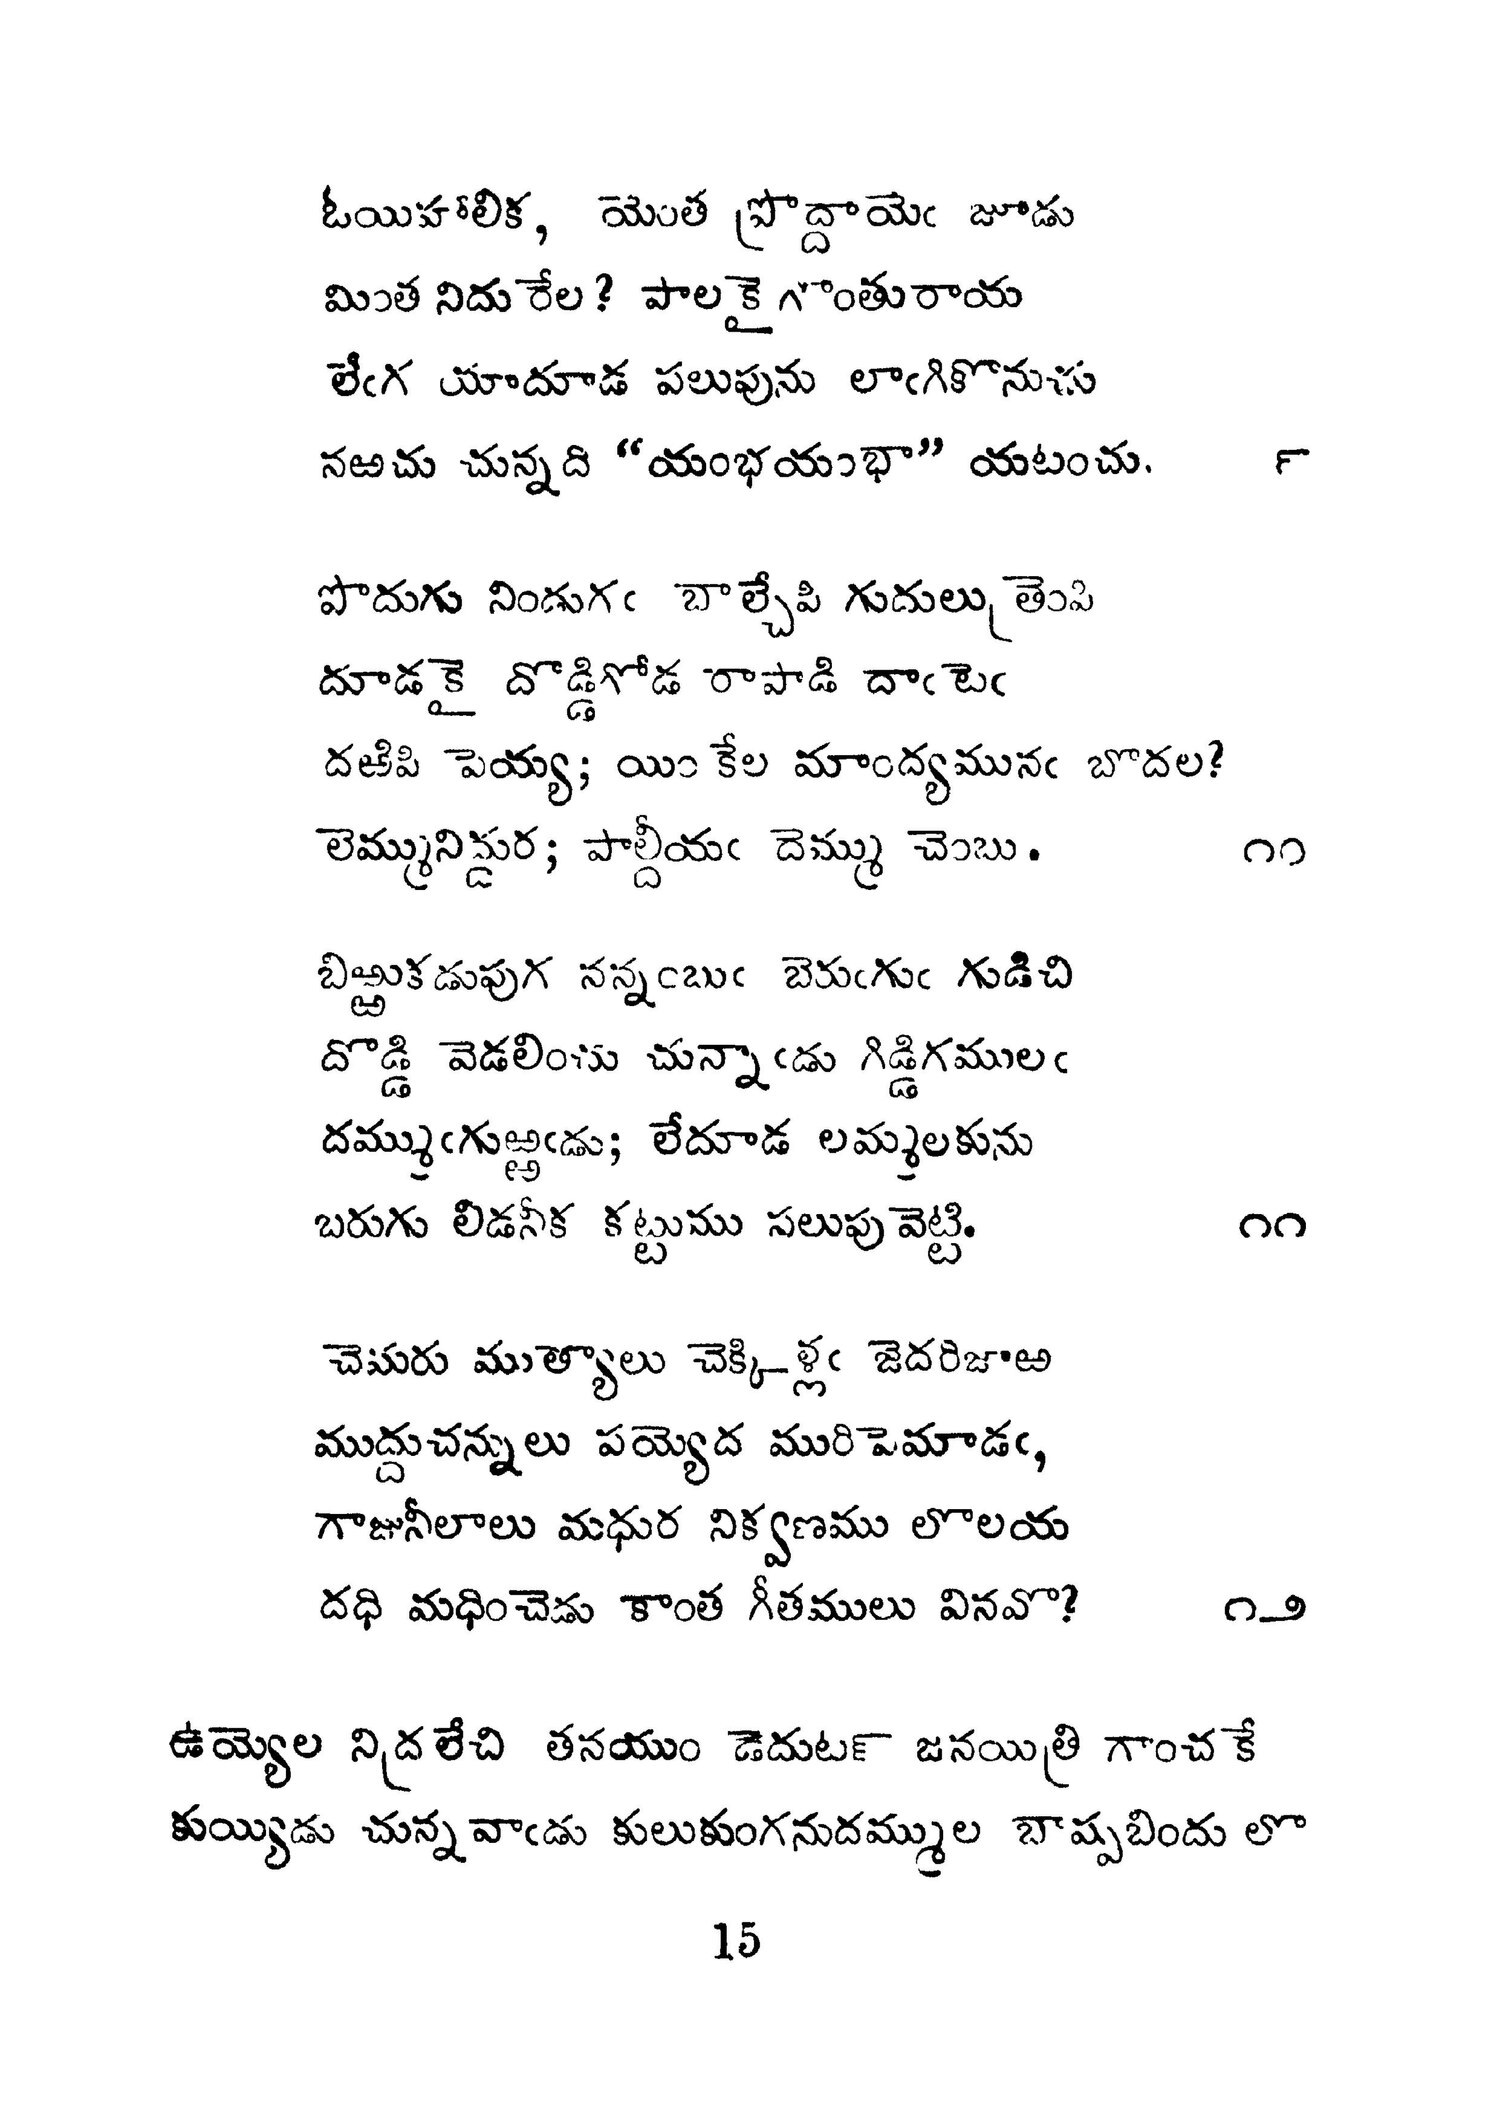ఓయి హాలిక! యెంత ప్రొద్దాయెఁ జూడు
మింత నిదురేల? పాలకై గొంతురాయ
లేఁగ యాదూడ పలుపును లాఁగికొనుచు
నఱచు చున్నది "యంభయంభా" యటంచు. 	9

పొదుగు నిండుగఁ బాల్చేపి గుదులు త్రెంపి
దూడకై దొడ్డిగోడ రాపాడి దాఁటెఁ
దఱిపి పెయ్య; యింకేల మాంద్యమునఁ బొదల?
లెమ్మునిద్దుర; పాల్దీయఁ దెమ్ము చెంబు. 	10

బిఱ్ఱుకడుపుగ నన్నంబుఁ బెరుఁగుఁ గుడిచి
దొడ్డి వెడలించు చున్నాడు గిడ్డిగములఁ
దమ్ముఁగుఱ్ఱడు; లేదూడ లమ్మలకును
బరుగు లిడనీక కట్టుము పలుపువెట్టి. 	11

చెమరు ముత్యాలు చెక్కిళ్ల జెదరిజాఱ
ముద్దుచన్నులు పయ్యెద మురిపెమాడ
గాజునీలాలు మధుర నిక్వణము లొలయ
దధి మధించెడు కాంత గీతములు వినవొ? 	12

ఉయ్యెల నిద్రలేచి తనయుం డెదుటన్‌ జనయిత్రి గాంచకే
కుయ్యిడు చున్నవాఁడు కులుకుంగనుదమ్ముల బాష్పబిందు లొ